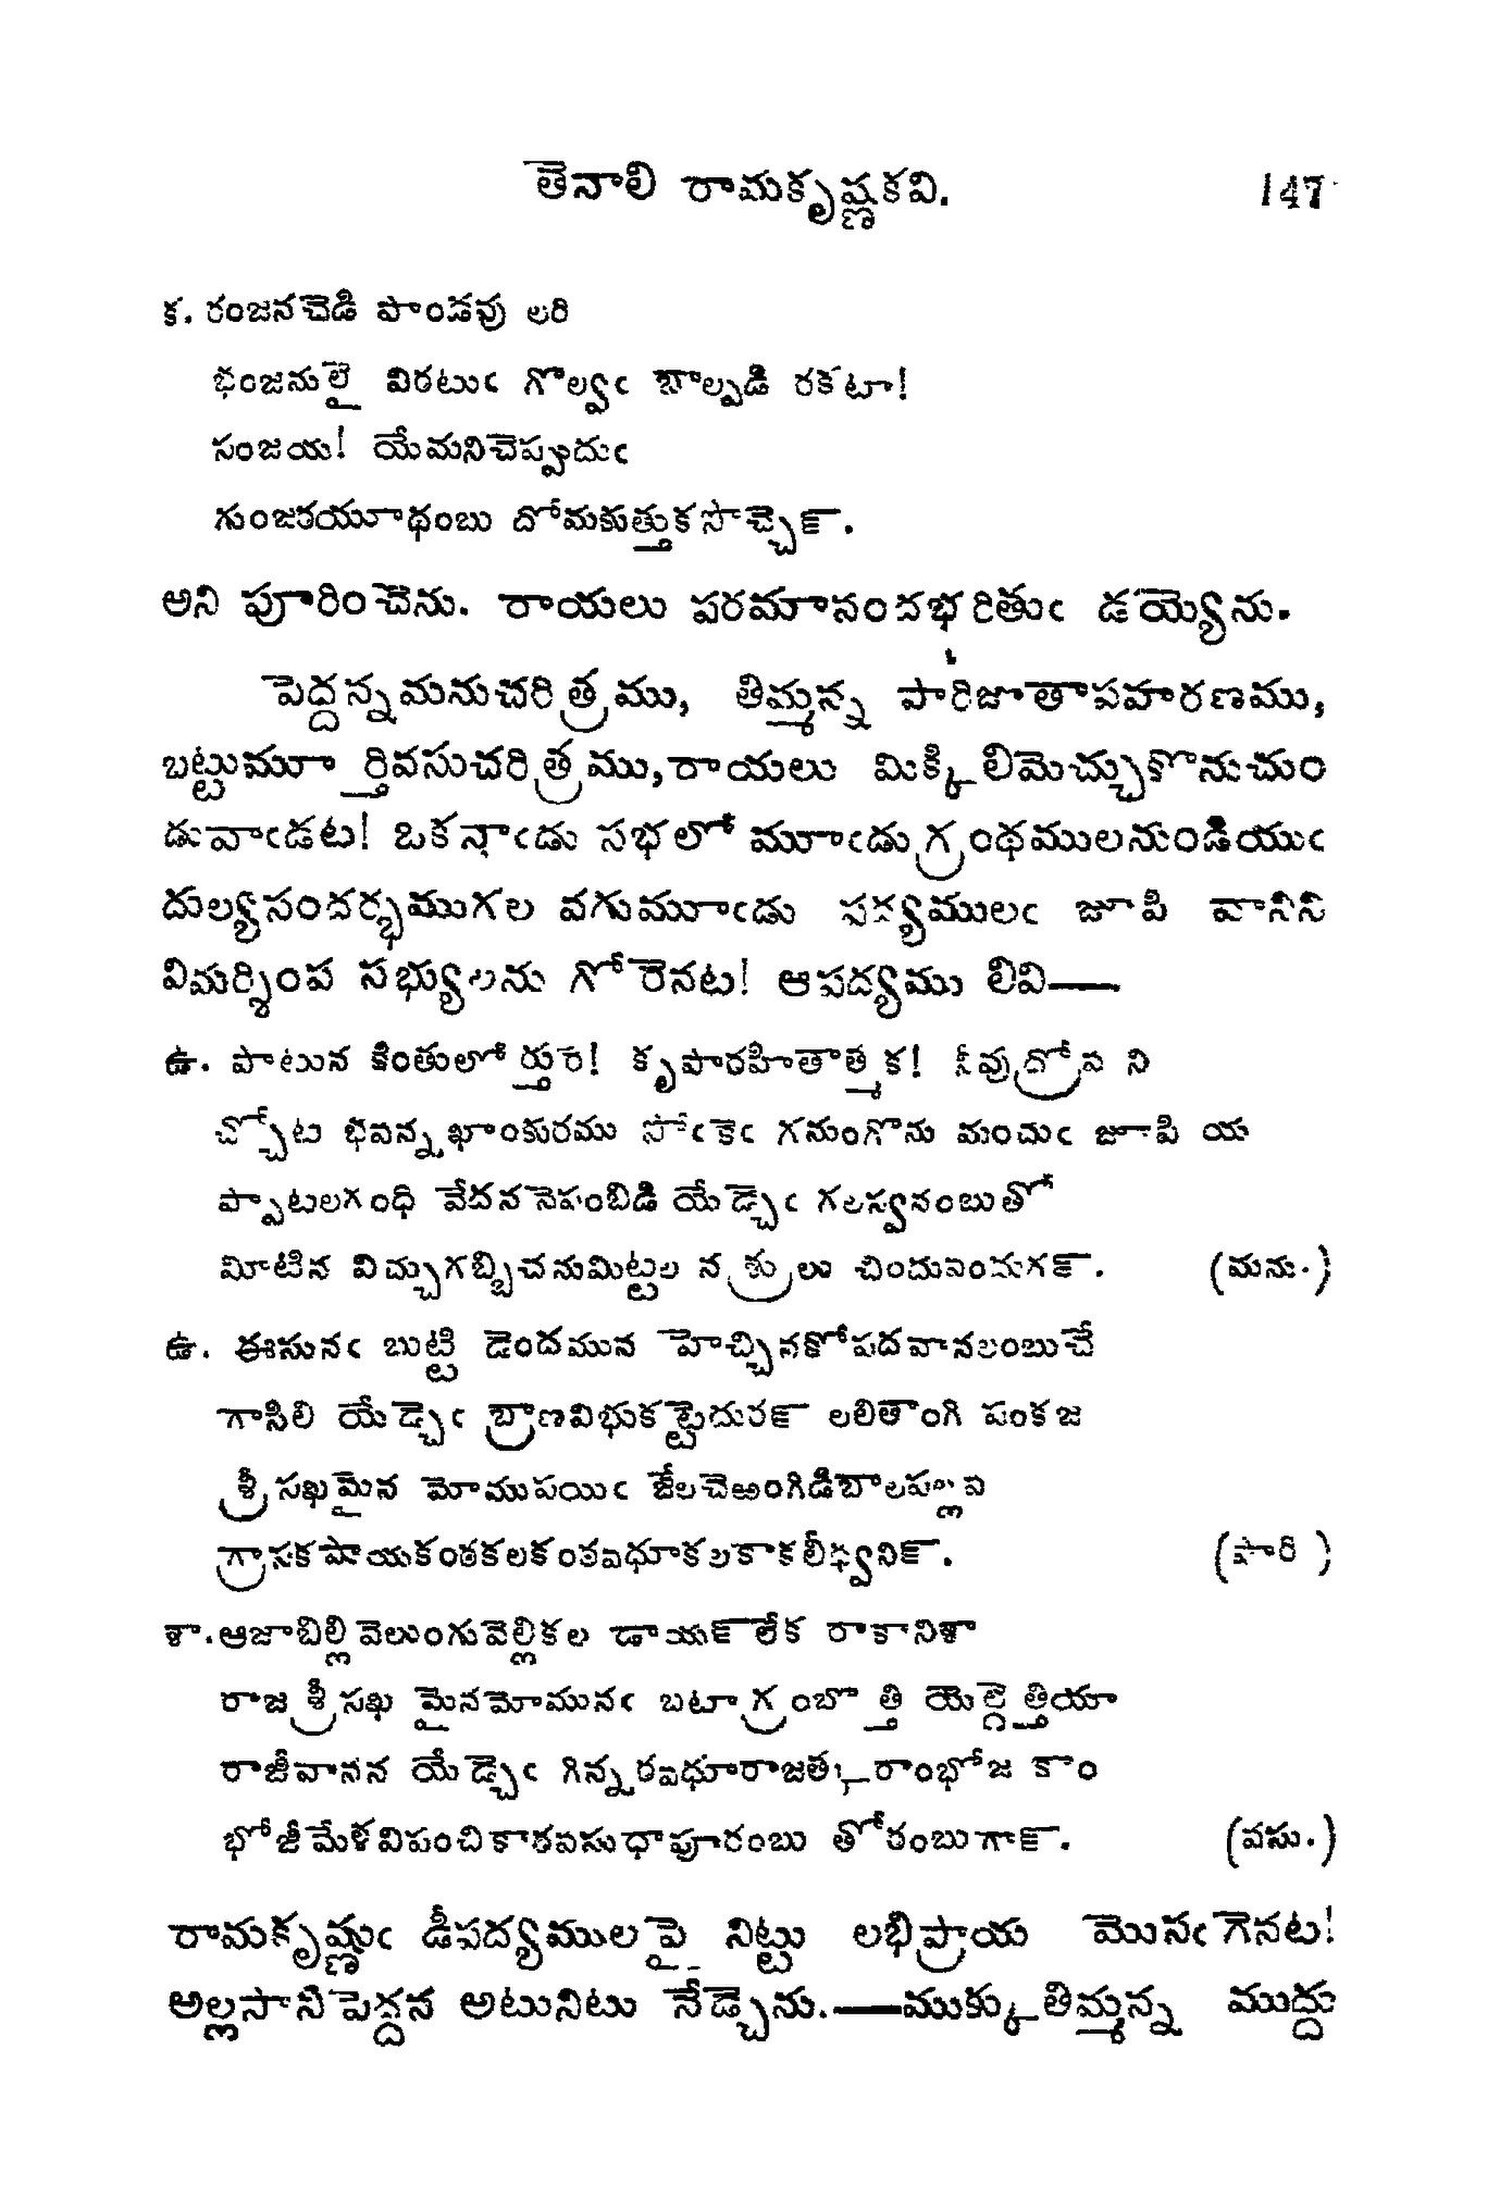క. రంజన చెడి పాండవు లరి
 భంజనులై విరటుఁ గొల్వఁ బాల్పడి రకటా!
 సంజయ! యే మని చెప్పుదుఁ
 గుంజరయూథంబు దోమకుత్తుక సొచ్చెన్.
అని పూరించెను. రాయలు పరమానందభరితుఁ డయ్యెను.

పెద్దన మనుచరిత్రము, తిమ్మన్న పారిజాతాపహరణము, బట్టుమూర్తి వసుచరిత్రము రాయలు మిక్కిలి మెచ్చుకొనుచుండువాఁడఁట! ఒకనాఁడు సభలో మూఁడుగ్రంథములనుండియుఁ దుల్యసందర్భముగల వగు మూఁడు పద్యములఁ జూపి వానిని విమర్శింప సభ్యులను గోరెనఁట! ఆపద్యము లివి—
ఉ. పాటున కింతు లోర్తురె! కృపారహితాత్మక! నీవు ద్రోవ ని
 చ్చోట భవన్నఖాంకురము సోఁకెఁ గనుంగొనుమంచుఁ జూపి య
 ప్పాటలగంధి వేదననెపం బిడి యేడ్చెఁ గలస్వనంబుతో
 మీటిన విచ్చు గుబ్బచనుమిట్టల నశ్రులు చిందువందుగన్‌.
ఉ. ఈసునఁ బుట్టి డెందమున హెచ్చినకోపదవానలంబుచేఁ
 గాసిలి యేడ్చెఁ బ్రాణవిభుకట్టెదురన్‌ లలితాంగి పంకజ
 శ్రీసఖమైన మోముపయిఁ జేలచెఱంగిడి బాలపల్లవ
 గ్రాసకషాయకంఠకలకంఠవధూకలకాకలీధ్వనిన్‌.
శా. ఆజాబిల్లివెలుంగువెల్లికల డాయన్ లేక రాకానిశా
 రాజశ్రీసఖ మైనమోమునఁ బటాగ్రం బొత్తి యెల్గెత్తి యా
 రాజీవానన యేడ్చెఁ గిన్నరవధూరాజత్కరాంభోజకాం
 భోజీమేళవిపంచికారవసుధాపూరంబు తోరంబుగాన్.
రామకృష్ణుఁ డీపద్యములపై నిట్టు లభిప్రాయ మొసఁగెనఁట. అల్లసానిపెద్దన అటునిటు నేడ్చెను;—ముక్కుతిమ్మన్న ముద్దు